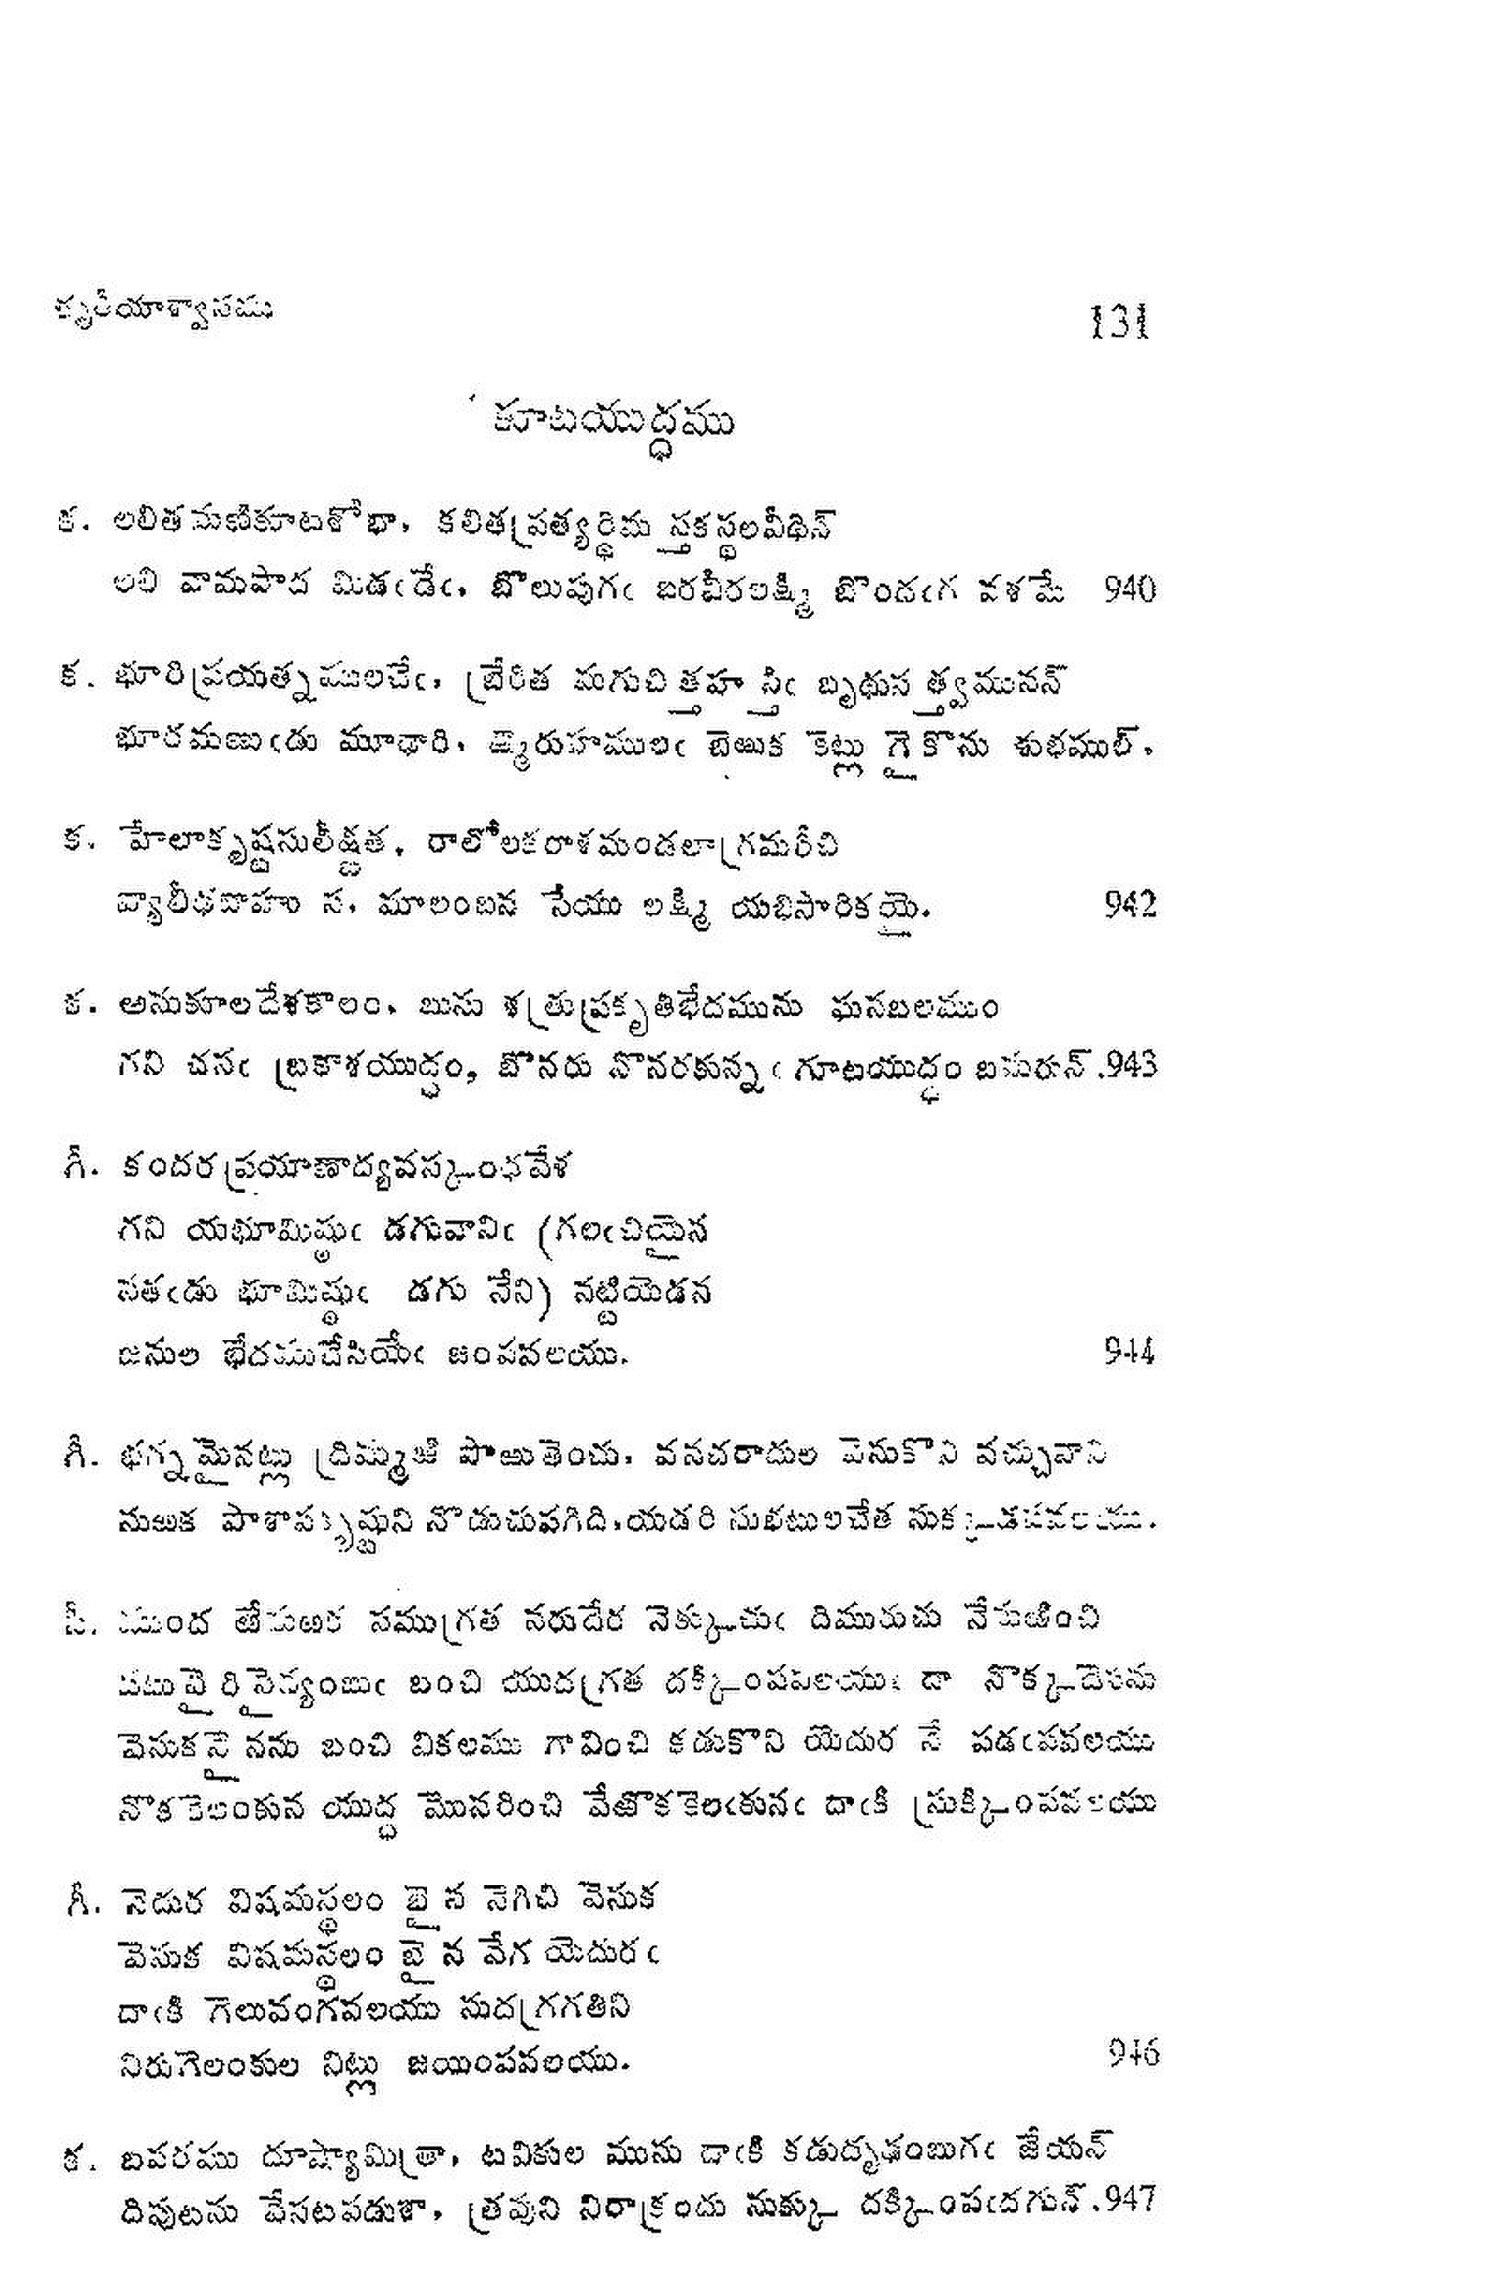క. లలితమణికూటశోభా
కలితప్రత్యర్థిమస్తకస్థలవీథిన్
లలి వామపాద మీడఁడేఁ
భొలుపుగఁ బరవీరలక్ష్మి బొందఁగ వశమే. 940

క. భూరిప్రయత్నములచేఁ
బ్రేరిత మగు చిత్తహస్తిఁ బృథుసత్త్వమునన్
భూరమణుఁడు మురారి
క్ష్మారుహములఁ బెఱుక కెట్లు గైకొను శుభముల్. 941

క. హేలాకృష్ణసుతీక్ష్ణత
రాలోలకరాళమండలాగ్రమరీచి
వ్యాలీఢబాహు స
మాలంబన సేయు లక్ష్మి యభిసారికయై. 942

క. అనుకూలదేశకాలం
బును శత్రుప్రకృతిభేదమును ఘనబలముం
గని చనఁ బ్రకాశయుద్ధం
బొనరు నొనరకున్నఁ గూటయుద్ధం బమరున్. 943

గీ. కందరప్రయాణార్యవస్కంధవేళ
గని యభూమిష్ఠుఁ డగువానిఁ (గలఁచియైన
నతఁడు భూమిష్ఠఁ డగునేని) నట్టియెడన
జనుల భేదము చేసియేఁ జంపవలయు. 944

గీ. భగ్నమైనట్లు ద్రిమ్మఱి పాఱుతెంచు
వనచరాదుల వెనుకొని వచ్చువాని
నుఱక పాశాపకృష్టుని నొడుచుపగిది
యడరి సుభటులచేత నుక్కడపవలయు. 945

సీ. ముంద ఱేమఱక సముగ్రత నరుదేర
నెక్కుచుఁ దిమురుచు నేమఱించి
పటువైరిసైన్యంబుఁ బంచి యుదగ్రత
దక్కింపవలయుఁ దా నొక్కదెసను
వెనుకనైనను బంచి వికలము గావించి
కడుకొని యెదుర నే పడఁవవలయు
నొకకెలంకున యుద్ధ మొనరించి వేఱొక
కెలఁకునఁ దాఁకి స్రుక్కింపవలయు
గీ. నెదుర విషమస్థలం బైన నెగిచి వెనుక
వెనుక విషమస్థలం బైన వేగ యెదురఁ
దాఁకి గెలువంగవలయు నుదగ్రగతిని
నిరుగెలంకుల నిట్లు జయింపవలయు. 946

క. బవరము దూష్యామిత్రా
టవికుల మును దాఁకి కడుదృఢంబుగఁ జేయన్
దివుటను వేసటపడు శా
త్రవుని నిరాక్రందు నుక్కు దక్కింపఁదగున్. 947